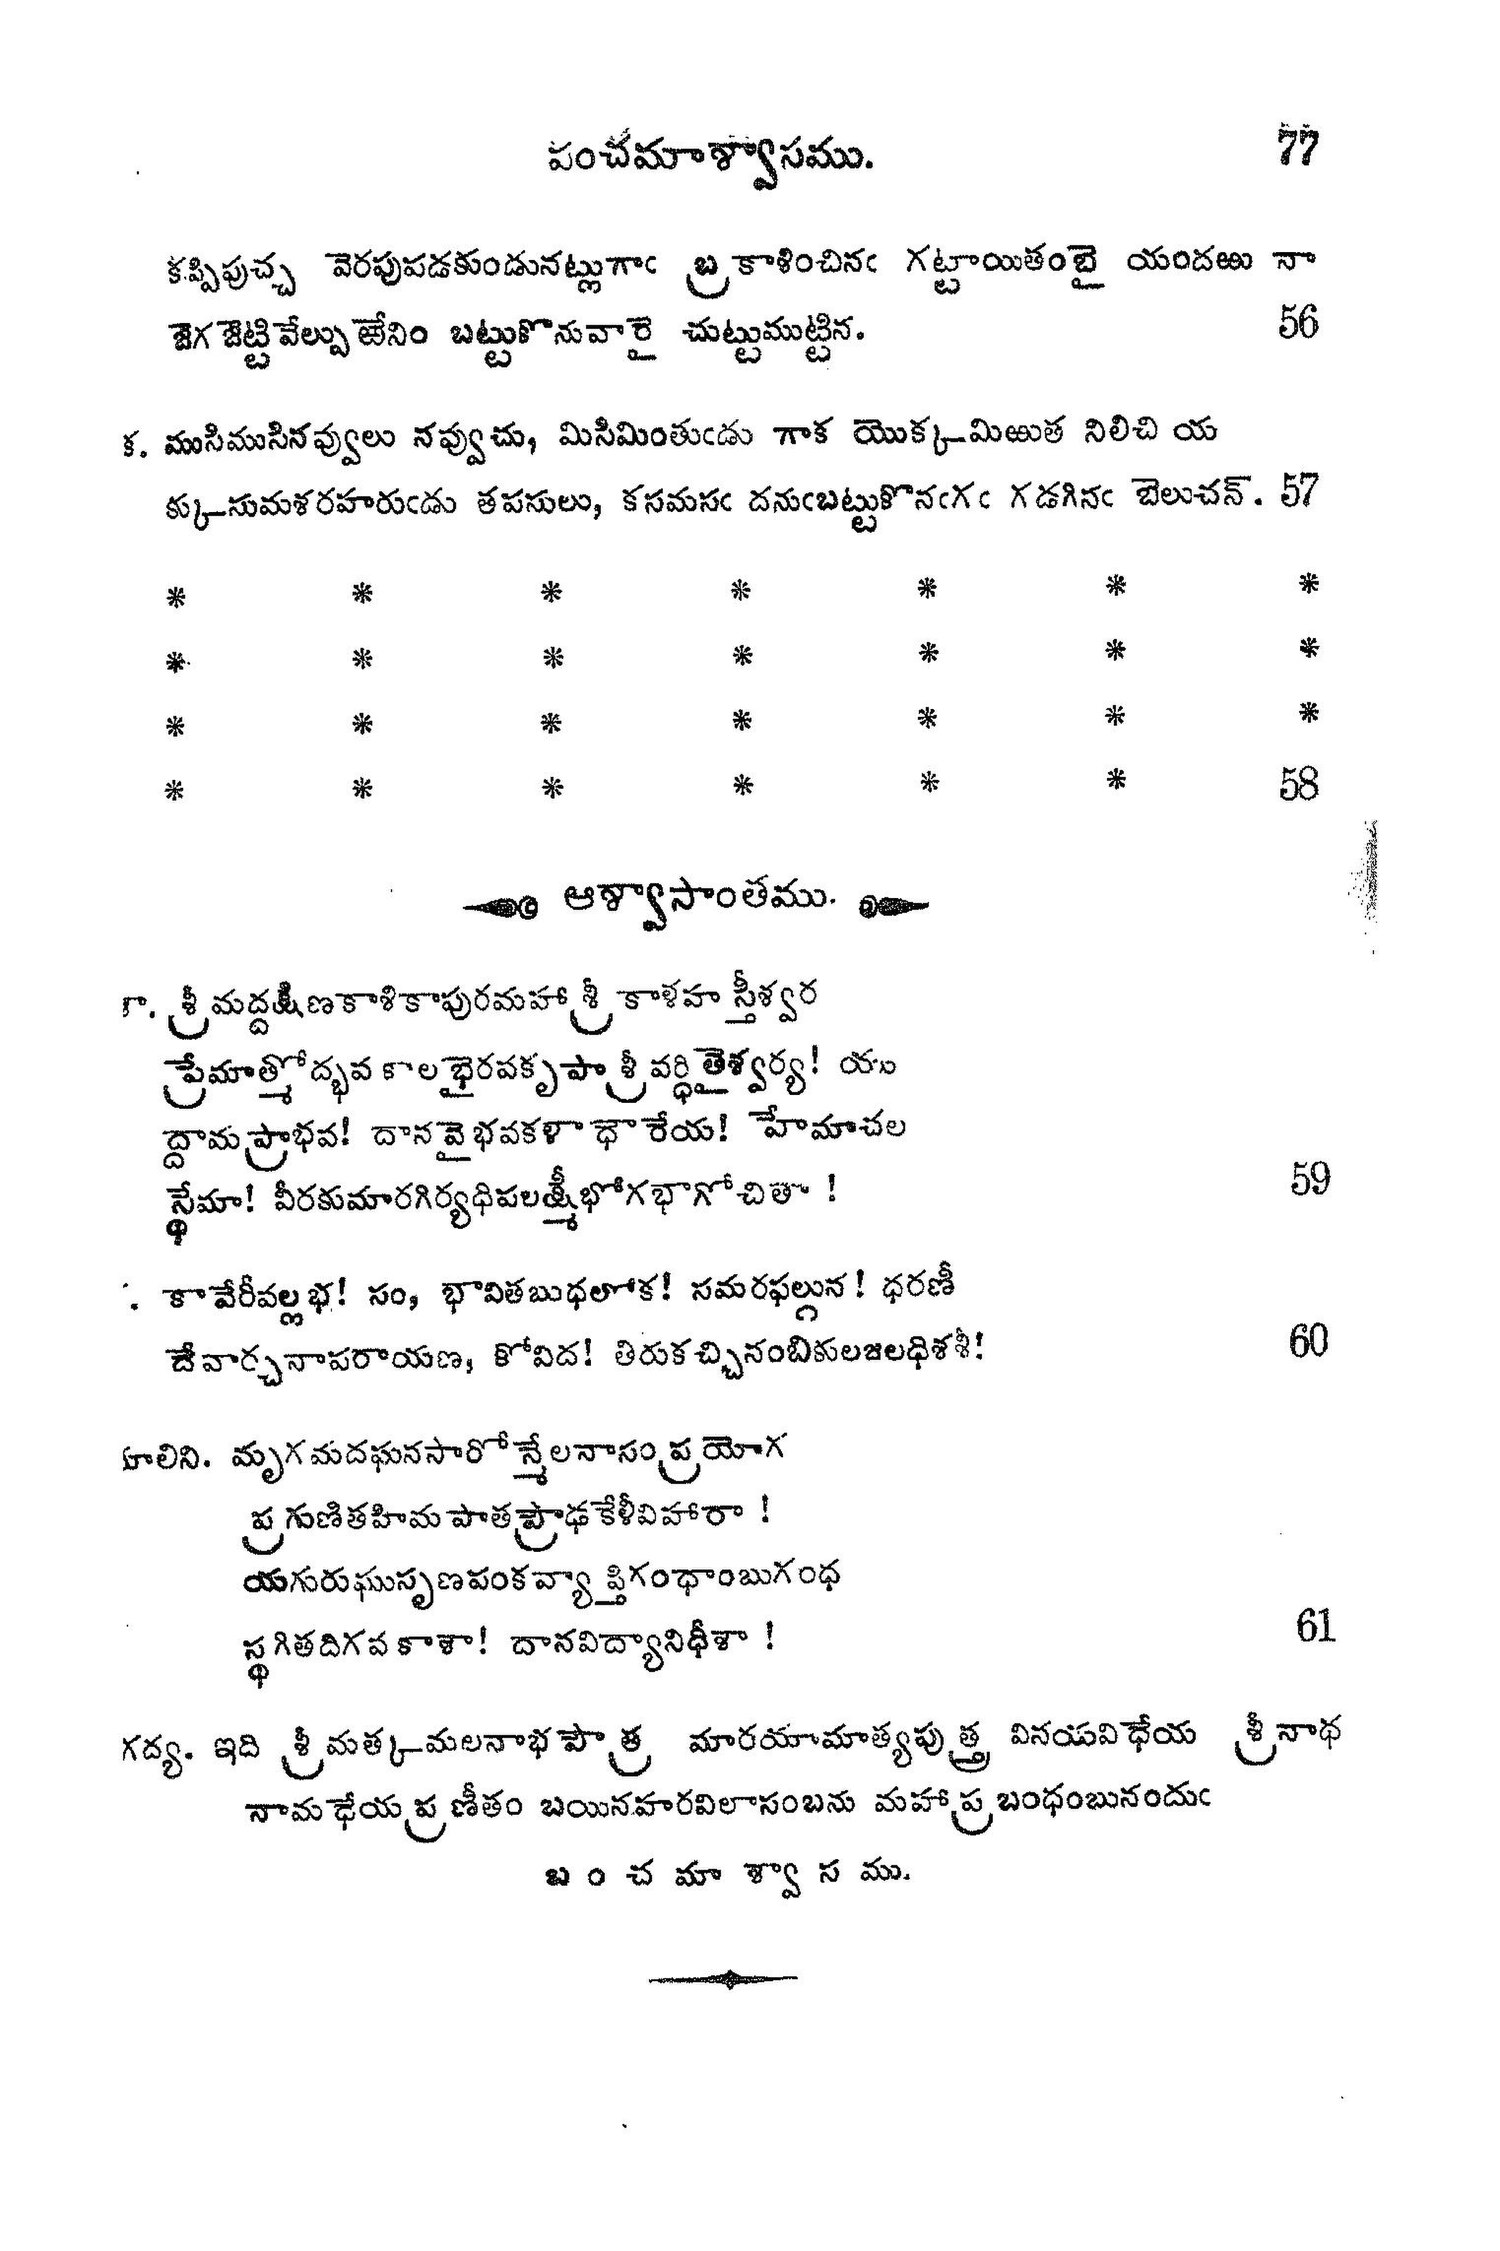కప్పిపుచ్చ వెరపుపడకుండునట్లుగాఁ బ్రకాశించినఁ గట్టాయితంబై యందఱు నా జెగ జెట్టివేల్పుఱేనిం బట్టుకొనువారై చుట్టుముట్టిన. 56

క. ముసిముసినవ్వులు నవ్వుచు
మిసిమింతుఁడు గాక యొక్క మిఱుత నిలిచి య
క్కుసుమశరహరుఁడు తపసులు
కసమసఁ దనుఁబట్టుకొనఁగఁ గడగినఁ బెలుచన్. 57

 * * *
 * * *
 * * *
 * * 58

శా. శ్రీమద్దక్షిణకాశికాపుర మహాశ్రీకాళహస్తీశ్వర
ప్రేమాత్మోద్భవ కాలభైరవ కృపాశ్రీ వర్థితైశ్వర్య! యు
ద్దామప్రాభవ ! దానవైభవకళాధౌరేయ! హేమాచల
స్థేమా! వీరకుమారగిర్యధిపలక్ష్మీభోగభాగోచితా! 59

క. కావేరీవల్లభ! సం
భావిత బుధలోక! సమరఫల్గున ! ధరణీ
దేవార్చనాపరాయణ
కోవిద! తిరుకచ్చినంబికులజలధిశశీ! 60

మాలిని. మృగమదఘనసారోన్మేలనాసంప్రయోగ
ప్రగుణితహిమపాతప్రౌఢకేళీవిహారా!
యగురుఘుసృణపంకవ్యాప్తిగంధాంబుగంధ
స్థగితదిగవకాశా! దానవిద్యానిధీశా! 61